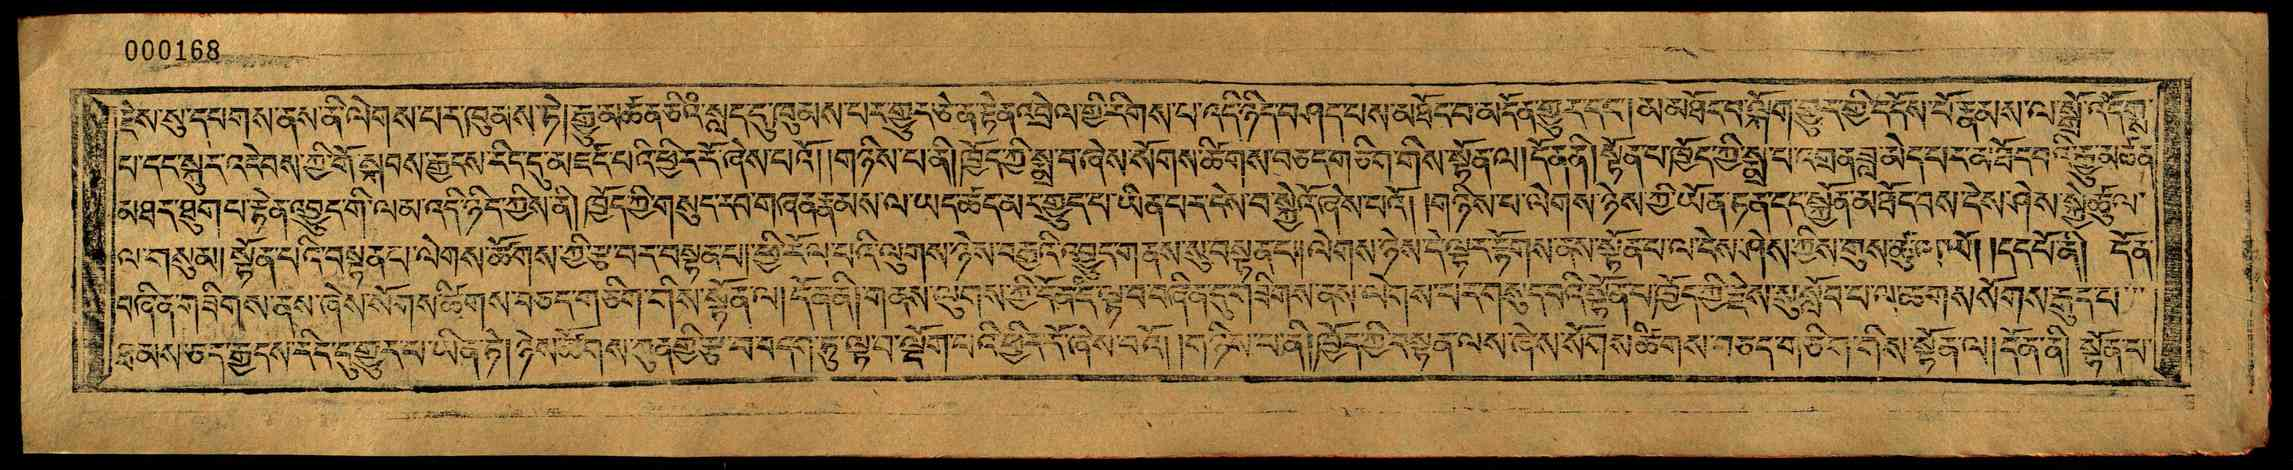རྗེས་སུ་དཔགས་ནས་ནི་ལེགས་པར་ཁུམས་ཏེ། རྒྱུ་མཚན་ཅིའི་སླད་དུ་ཁུམས་པར་གྱུར་ཅེ་ན་རྟེན་འབྲེལ་གྱི་རིགས་པ་འདི་ཉིད་བཤད་པས་མཐོང་བ་མངོན་གྱུར་དང་། མ་མཐོང་བ་ལྐོག་གྱུར་གྱི་དངོས་པོ་རྣམས་ལ་སྒྲོ་འདོགས་
པ་དང་སྐུར་འདེབས་ཀྱི་གོ་སྐབས་རྒྱངས་རིང་དུ་མཛད་པའི་ཕྱིར་རོ་ཞེས་པའོ། །གཉིས་པ་ནི། ཁྱོད་ཀྱི་སྨྲ་བ་ཞེས་སོགས་ཚིགས་བཅད་གཅིག་གིས་སྟོན་ལ། དོན་ནི། སྟོན་པ་ཁྱོད་ཀྱི་སྨྲ་བ་འགྲན་ཟླ་མེད་པར་མཐོང་བའི་རྒྱུ་མཚན་
མཐར་ཐུག་པ་རྟེན་འབྱུང་གི་ལམ་འདི་ཉིད་ཀྱིས་ནི། ཁྱོད་ཀྱི་གསུང་རབ་གཞན་རྣམས་ལ་ཡང་ཚད་མར་གྱུར་པ་ཡིན་པར་ངེས་པ་སྐྱེའོ་ཞེས་པའོ། །གཉིས་པ་ལེགས་ཉེས་ཀྱི་ཡོན་ཏན་དང་སྐྱོན་མཐོང་བས་ངེས་ཤེས་སྐྱེ་ཚུལ་
ལ་གསུམ། སྟོན་པའི་བསྟན་པ་ལེགས་ཚོགས་ཀྱི་རྩ་བར་བསྟན་པ། ཕྱི་རོལ་པའི་ལུགས་ཉེས་བརྒྱའི་འབྱུང་གནས་སུ་བསྟན་པ། ལེགས་ཉེས་དེ་ལྟར་རྟོགས་ནས་སྟོན་པ་ལ་ངེས་ཤེས་ཀྱིས་གུས་ཚུལ་ལོ། །དང་པོ་ནི། དོན་
བཞིན་གཟིགས་ནས་ཞེས་སོགས་ཚིགས་བཅད་གཅིག་གིས་སྟོན་ལ། དོན་ནི། གནས་ལུགས་ཀྱི་དོན་ཇི་ལྟ་བ་བཞིན་དུ་གཟིགས་ནས་ལེགས་པར་གསུང་པའི་སྟོན་པ་ཁྱོད་ཀྱི་རྗེས་སུ་སློབ་པ་ལ་ཆགས་སོགས་རྒུད་པ་
ཐམས་ཅད་རྒྱངས་རིང་དུ་གྱུར་པ་ཡིན་ཏེ། ཉེས་ཚོགས་ཀུན་གྱི་རྩ་བ་བདག་ཏུ་ལྟ་བ་ལྡོག་པའི་ཕྱིར་རོ་ཞེས་པའོ། །གཉིས་པ་ནི། ཁྱོད་ཀྱི་བསྟན་ལས་ཞེས་སོགས་ཚིགས་བཅད་གཅིག་གིས་སྟོན་ལ། དོན་ནི། སྟོན་པ་